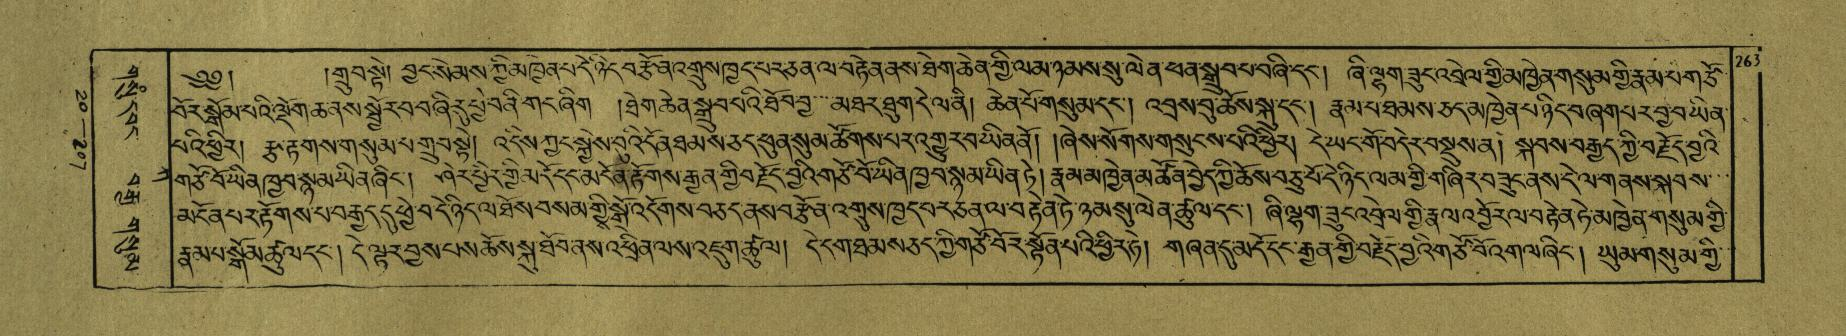༄༅། །གྲུབ་སྟེ། བྱང་སེམས་ཀྱི་མཁྱེན་པ་དེ་ཉིད་བརྩོན་འགྲུས་ཁྱད་པར་ཅན་ལ་བརྟེན་ནས་ཐེག་ཆེན་གྱི་ལམ་ཉམས་སུ་ལེན་ཕན་སྒྲུབ་པ་བཞི་དང་། ཞི་ལྷག་ཟུང་འབྲེལ་གྱི་མཁྱེན་གསུམ་གྱི་རྣམ་པ་གཙོ་
བོར་སྒོམ་པའི་ལྡོག་ཆ་ནས་སྦྱོར་བ་བཞི་རུ་ཕྱེ་བ་ནི་གང་ཞིག །ཐེག་ཆེན་སྒྲུབ་པའི་ཐོབ་བྱ་མཐར་ཐུག་དེ་ལ་ནི། ཆེན་པོ་གསུམ་དང་། འབྲས་བུ་ཆོས་སྐུ་དང་། རྣམ་པ་ཐམས་ཅད་མཁྱེན་པ་ཉིད་བཞག་པར་བྱ་བ་ཡིན་
པའི་ཕྱིར། རྩ་རྟགས་གསུམ་པ་གྲུབ་སྟེ། འདིས་ཀྱང་སྐྱེས་བུའི་དོན་ཐམས་ཅད་ཕུན་སུམ་ཚོགས་པར་འགྱུར་བ་ཡིན་ནོ། །ཞེས་སོགས་གསུངས་པའི་ཕྱིར། དེ་ཡང་གོ་བདེར་བསྡུས་ན། སྐབས་བརྒྱད་ཀྱི་བརྗོད་བྱའི་
གཙོ་བོ་ཡིན་ཁྱབ་སྙམ་ཡིན་ཞིང་། ཤེར་ཕྱིར་གྱི་མདོ་དང་མངོན་རྟོགས་རྒྱན་གྱི་བརྗོད་བྱའི་གཙོ་བོ་ཡིན་ཁྱབ་སྙམ་ཡིན་ཏེ། རྣམ་མཁྱེན་མཚོན་བྱེད་ཀྱི་ཆོས་བཅུ་པོ་དེ་ཉིད་ལམ་གྱི་གཞིར་བཟུང་ནས་དེ་ལ་གནས་སྐབས་
མངོན་པར་རྟོགས་པ་བརྒྱད་དུ་ཕྱེ་བ་དེ་ཉིད་ལ་ཐོས་བསམ་གྱིས་སྒྲོ་འདོགས་བཅད་ནས་བརྩོན་འགྲུས་ཁྱད་པར་ཅན་ལ་བརྟེན་ཏེ་ཉམྶུ་ལེན་ཚུལ་དང་། ཞི་ལྷག་ཟུང་འབྲེལ་གྱི་རྣལ་འབྱོར་ལ་བརྟེན་ཏེ་མཁྱེན་གསུམ་གྱི་
རྣམ་པ་སྒོམ་ཚུལ་དང་། དེ་ལྟར་བྱས་པས་ཆོས་སྐུ་ཐོབ་ནས་འཕྲིན་ལས་འཇུག་ཚུལ། དེ་དག་ཐམས་ཅད་ཀྱི་གཙོ་བོར་སྟོན་པའི་ཕྱིར་ཏེ། གཞན་དུ་མདོ་དང་རྒྱན་གྱི་བརྗོད་བྱའི་གཙོ་བོ་འགའ་ཞིང་། ཡུམ་གསུམ་གྱི་